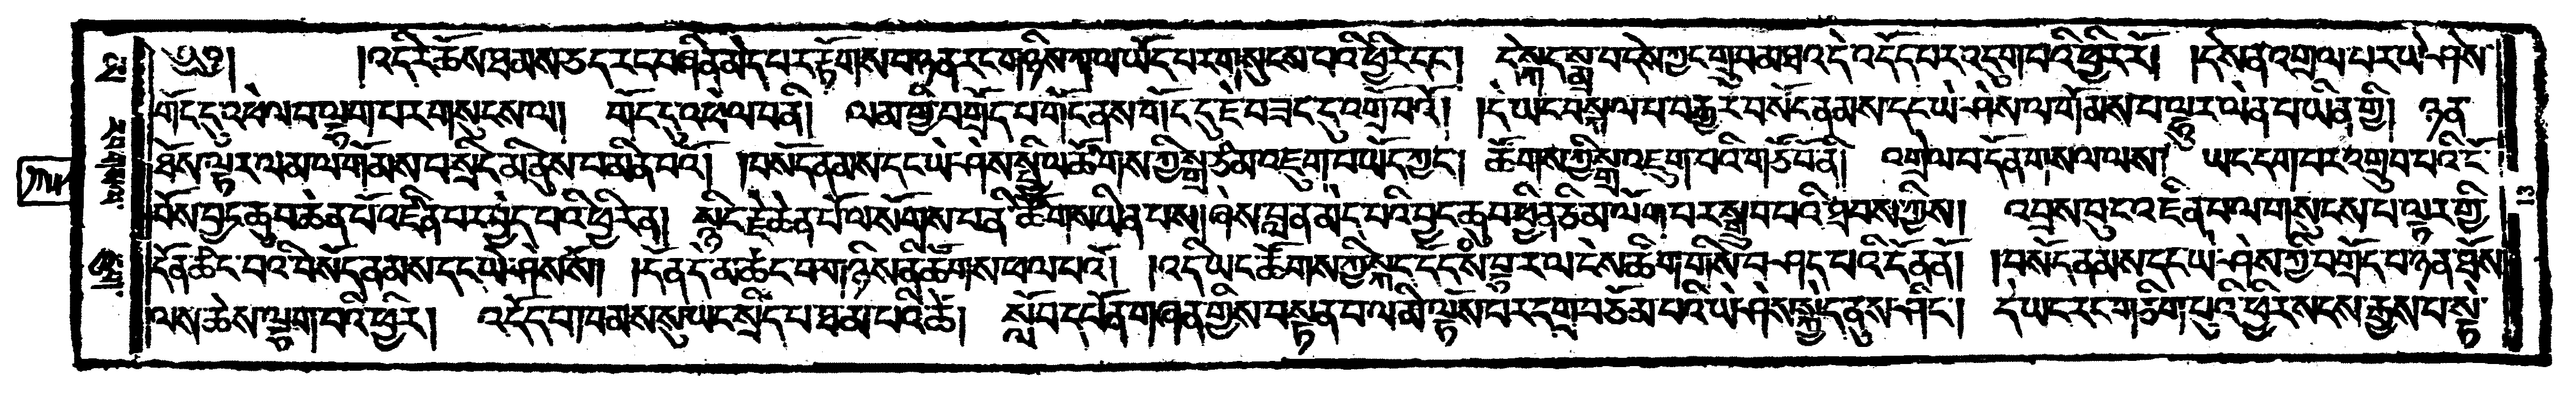༄༅། །འདིར་ཆོས་ཐམས་ཅད་རང་བཞིན་མེད་པར་རྟོགས་པ་ཉན་རང་གཉིས་ཀ་ལ་ཡོད་པར་གསུངས་པའི་ཕྱིར་དང་། དེ་སྐད་སྨྲ་བ་དེས་ཀྱང་གྲུབ་མཐའ་དེ་འདོད་པར་འདུག་པའི་ཕྱིར་རོ། །དེས་ན་འགྲེལ་པར་ཡེ་ཤེས་
གོང་དུ་འཕེལ་བ་ལྷག་པར་གསུངས་ལ། གོང་དུ་འཕེལ་བ་ནི། ལམ་གྱི་བགྲོད་པ་གོང་ནས་གོང་དུ་ཇེ་བཟང་དུ་འགྲོ་བའོ། །དེ་ཡང་བསྐལ་པ་བརྒྱར་བསོད་ནམས་དང་ཡེ་ཤེས་ལ་གོམས་པ་ལྷུར་ལེན་པ་ཡིན་གྱི། ཉན་
ཐོས་ལྟར་ལམ་ལ་གོམས་པ་སྲིད་མི་ནུས་པ་མིན་པའོ། །བསོད་ནམས་དང་ཡེ་ཤེས་སྤྱི་ལ་ཚེགས་ཀྱི་སྒྲ་ཙམ་འཇུག་པ་ཡོད་ཀྱང་། ཚོགས་ཀྱི་སྒྲ་འཇུག་པའི་གཙོ་བོ་ནི། འགྲེལ་པ་དོན་གསལ་ལས། ཡང་དག་པར་འགྲུབ་པའི་ངོ་
བོས་བྱང་ཆུབ་ཆེན་པོ་འཛིན་པར་བྱེད་པའི་ཕྱིར་ན། སྙིང་རྗེ་ཆེན་པོ་ལ་སོགས་པ་ནི་ཚོགས་ཡིན་པས། ཞེས་བླ་ན་མེད་པའི་བྱང་ཆུབ་ཕྱིན་ཅི་མ་ལོག་པར་སྒྲུབ་པའི་ཐབས་ཀྱིས། འབྲས་བུར་འཛིན་པ་ལ་གསུངས་པ་ལྟར་གྱི་
དོན་ཚང་བའི་བསོད་ནམས་དང་ཡེ་ཤེས་སོ། །དོན་དེ་མ་ཚང་བ་གཉིས་ནི་ཚོགས་ཕལ་པའོ། །འདི་ཡང་ཚོགས་ཀྱི་སྐད་དོད་སཾ་བྷ་ར་ལ་ངེས་ཚིག་གིས་བཤད་པའི་དོན་ནོ། །བསོད་ནམས་དང་ཡེ་ཤེས་ཀྱི་བགྲོད་པ་ཉན་ཐོས་
ལས་ཆེས་ལྷག་པའི་ཕྱིར། འདོད་པ་ཁམས་སུ་ཡང་སྲིད་པ་ཐ་མ་པའི་ཚེ། སློབ་དཔོན་གཞན་གྱིས་བསྟན་པ་ལ་མི་ལྟོས་པར་དགྲ་བཅོམ་པའི་ཡེ་ཤེས་སྐྱེད་ནུས་ཤིང་། དེ་ཡང་རང་གཅིག་པུའི་ཕྱིར་སངས་རྒྱས་པ་སྟེ་